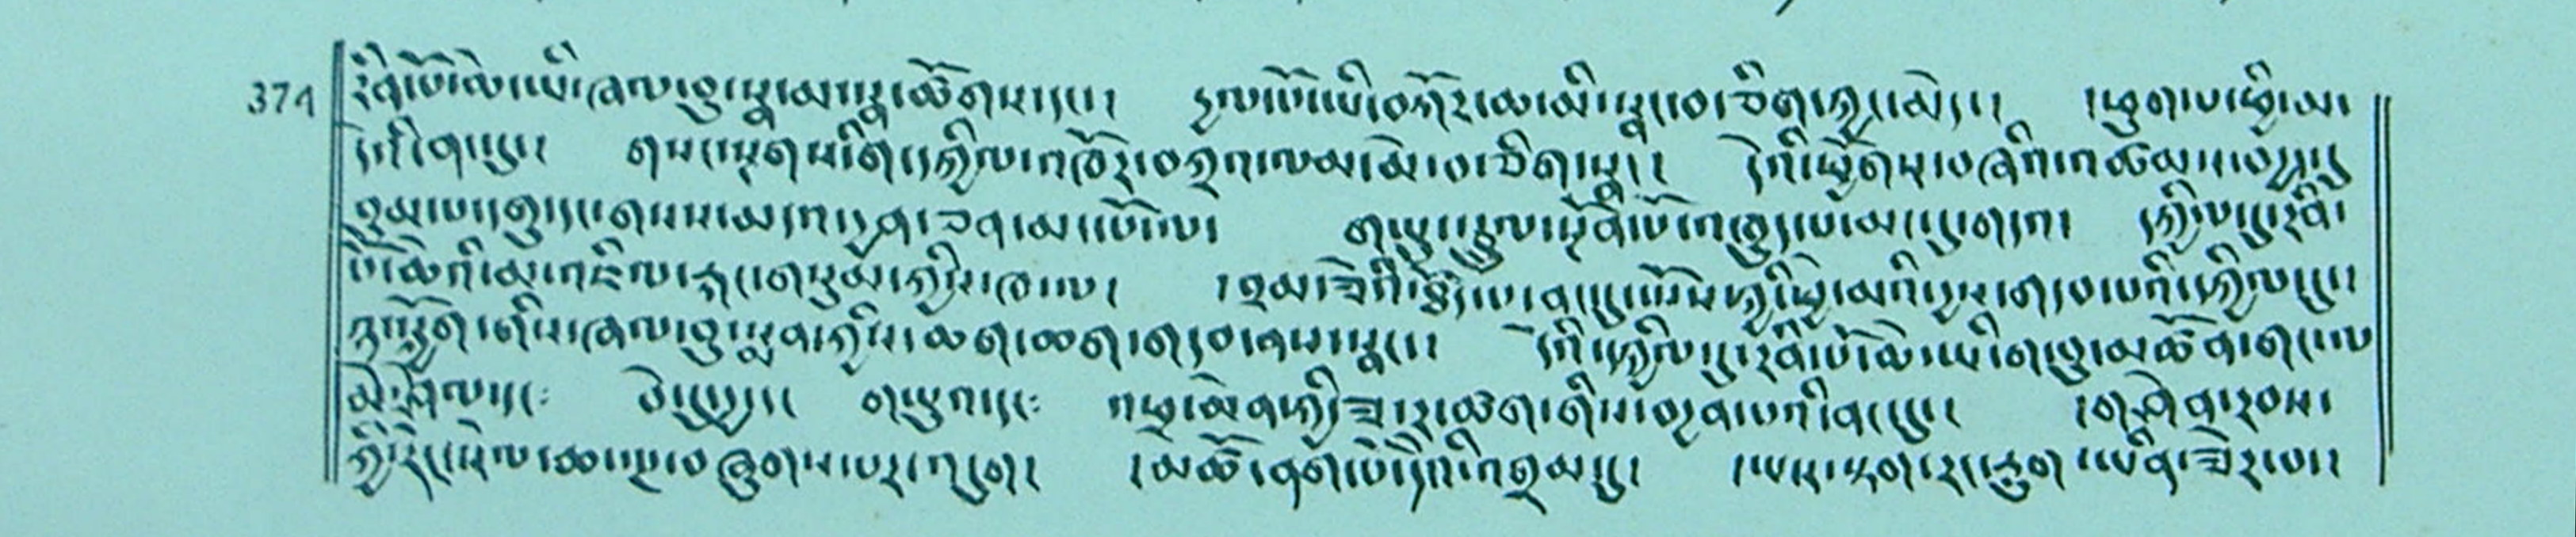རིན་པོ་ཆེ་ཡི་ཞལ་བུ་སྣ་མ་སྣ་ཚོགས་དང་། རྒྱལ་པོ་ཡི་བཀོར་ཆ་མི་སྣང་བ་གཅིག་ཀྱང་མེད། ཕུག་པ་ཕྱི་མ་
དེའི་ནང་དུ། གསང་སྔགས་ཀྱི་དཀྱིལ་འཁོར་བཀྲ་ལམ་མེ་བ་ཅིག་སྣང་། དེའི་ཕྱོགས་བཞི་འཚམས་བརྒྱད་དུ། 
བུམ་པ་དགུ་དང་གསས་མདའ་རྒྱན་ཅན་མང་པོ་ལ། གཡུ་སྦྲུལ་སྔོན་པོ་འཁྱུད་པ་མང་དུ་གདའ། དཀྱིལ་དུ་རིན་
པོ་ཆེའི་མ་འཇིལ་རྐང་གསུམ་གྱི་ཁ་ལ། བྲམ་ཟེའི་ཐོད་པ་ནང་དུ་སྤོས་ཀྱི་ཕྱེ་མའི་རྒྱས་གདབ་བའི་དཀྱིལ་དུ་
ཉ་སྐྱོག་གིས་ཞལ་བུ་སྨན་གྱིས་ཆག་ཆག་གདབ་ནས་སྣང་། དེའི་དཀྱིལ་དུ་རིན་པོ་ཆེ་ཡི་ག་བུ་མཚོན་གང་ལ་
མན་ཤེལ་དང་། བེ་དུ་རྒྱ་དང་། གཡུའ་དང་། འཕྲ་མེན་གྱི་ཟ་ར་ཚག་གིས་བརྒྱན་པའི་ནང་དུ། གཤེན་རབས་
ཀྱི་རིང་སྲེལ་ཆ་ལྔ་བཞུགས་པར་འདུག མཚོ་ནག་པོ་དེའི་འགྲམ་དུ། ཡས་སྟགས་རང་རྒྱུག་ཡིན་ཟེར་བ།